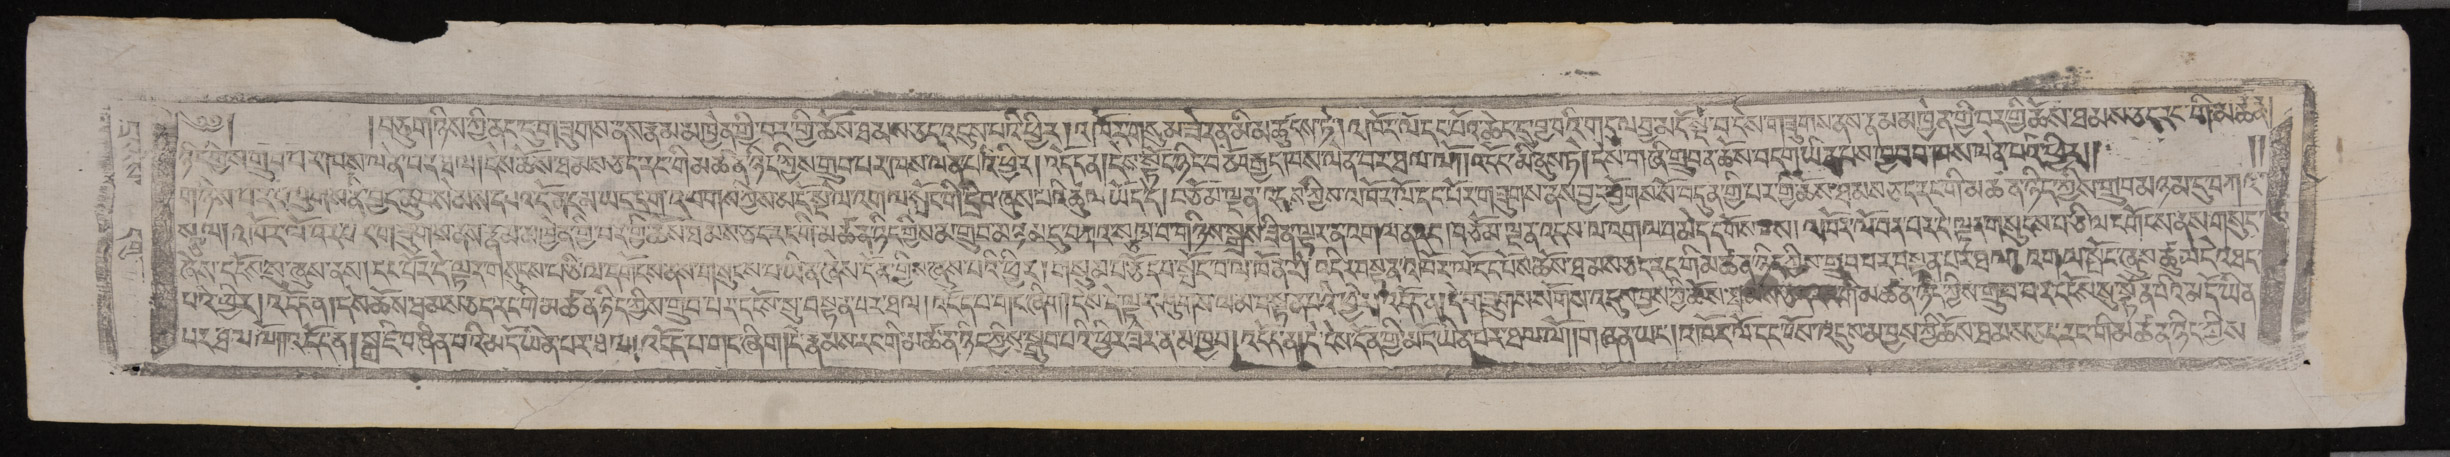༄༅། །བཅུ་གཉིས་ཀྱི་ནང་དུ་གཟུགས་ནས་རྣམ་མཁྱེན་གྱི་བར་གྱི་ཆོས་ཐམས་ཅད་འདུས་པའི་ཕྱིར། འཁོར་གསུམ་ཟེར་ན་མི་མཚུངས་ཏེ། འཁོར་ལོ་དང་པོའི་ཆེད་དུ་བྱ་བའི་གདུལ་བྱ་མདོ་སྡེ་པ་དེས་གཟུགས་ནས་རྣམ་མཁྱེན་གྱི་བར་གྱི་ཆོས་ཐམས་ཅད་རང་གི་མཚན་
ཉིད་ཀྱིས་གྲུབ་པར་ཁས་ལེན་པར་ཐལ། དེས་ཆོས་ཐམས་ཅད་རང་གི་མཚན་ཉིད་ཀྱིས་གྲུབ་པར་ཁས་ལེན་པའི་ཕྱིར། འདོད་ན། དེས་སྟོང་ཉིད་བཅོ་བརྒྱད་ཁས་ལེན་པར་ཐལ་ལོ། །འདོད་མི་ནུས་ཏེ། དེས་གཞི་གྲུབ་ན་ཆོས་བདག་ཡིན་པས་ཁྱབ་བ་ཁས་ལེན་པའི་ཕྱིར།། །།
གཉིས་པ་རང་ལུགས་ནི་བྱང་ཆུབ་སེམས་དཔའ་དོན་དམ་ཡང་དག་འཕགས་ཀྱིས་མདོ་སྡེ་ལ་འགལ་སྤོང་གི་དྲི་བ་ཞུས་པའི་ཚུལ་ཡོད་དེ། བཅོམ་ལྡན་འདས་ཀྱིས་འཁོར་ལོ་དང་པོར་གཟུགས་ནས་བྱང་ཕྱོགས་སོ་བདུན་གྱི་བར་གྱི་ཆོས་ཐམས་ཅད་རང་གི་མཚན་ཉིད་ཀྱིས་གྲུབ་མཉམ་དུ་བཀའ་
སྩལ། འཁོར་ལོ་བར་པར་གཟུགས་ནས་རྣམ་མཁྱེན་གྱི་བར་གྱི་ཆོས་ཐམས་ཅད་རང་གི་མཚན་ཉིད་ཀྱིས་མ་གྲུབ་མཉམ་དུ་བཀའ་སྩལ་པ་གཉིས་སྒྲས་ཟིན་ལྟར་ན་འགལ་ནའང་། བཅོམ་ལྡན་འདས་ལ་འགལ་བ་མེད་དགོས་པས། འཁོར་ལོ་བར་པར་དེ་ལྟར་གསུངས་པ་ཅི་ལ་དགོངས་ནས་གསུངས་
ཞེས་དངོས་སུ་ཞུས་ནས། དང་པོར་དེ་ལྟར་གསུངས་པ་ཅི་ལ་དགོངས་ནས་གསུངས་པ་ཡིན་ཞེས་དོན་གྱིས་ཞུས་པའི་ཕྱིར། གསུམ་པ་རྩོད་པ་སྤོང་བ་ལ་ཁོ་ན་རེ། འདིར་བསྟན་འཁོར་ལོ་དང་པོས་ཆོས་ཐམས་ཅད་རང་གི་མཚན་ཉིད་ཀྱིས་གྲུབ་པར་བསྟན་པར་ཐལ། འགལ་སྤོང་ཞུས་ཚུལ་དེ་འཐད་
པའི་ཕྱིར། འདོད་ན། དེས་ཆོས་ཐམས་ཅད་རང་གི་མཚན་ཉིད་ཀྱིས་གྲུབ་པར་དངོས་སུ་བསྟན་པར་ཐལ། འདོད་པ་གང་ཞིག། དེས་དེ་ལྟར་ཤུགས་ལ་མ་བསྟན་པའི་ཕྱིར། འདོད་ན། དེ་གཟུགས་སོགས་འདུས་བྱས་ཀྱི་ཆོས་ཐམས་ཅད་རང་གི་མཚན་ཉིད་ཀྱིས་གྲུབ་པར་དངོས་སུ་སྟོན་པའི་མདོ་ཡིན་
པར་ཐལ་ལོ། །འདོད་ན། སྒྲ་ཇི་བཞིན་པའི་མདོ་ཡིན་པར་ཐལ། འདོད་པ་གང་ཞིག། དེ་རྣམས་རང་གི་མཚན་ཉིད་ཀྱིས་གྲུབ་པའི་ཕྱིར་ཟེར་ན་མ་ཁྱབ། འདོད་ན། དེ་ངེས་དོན་གྱི་མདོ་ཡིན་པར་ཐལ་ལོ། །གཞན་ཡང་། འཁོར་ལོ་དང་པོས་འདུས་མ་བྱས་ཀྱི་ཆོས་ཐམས་ཅད་རང་གི་མཚན་ཉིད་ཀྱིས་